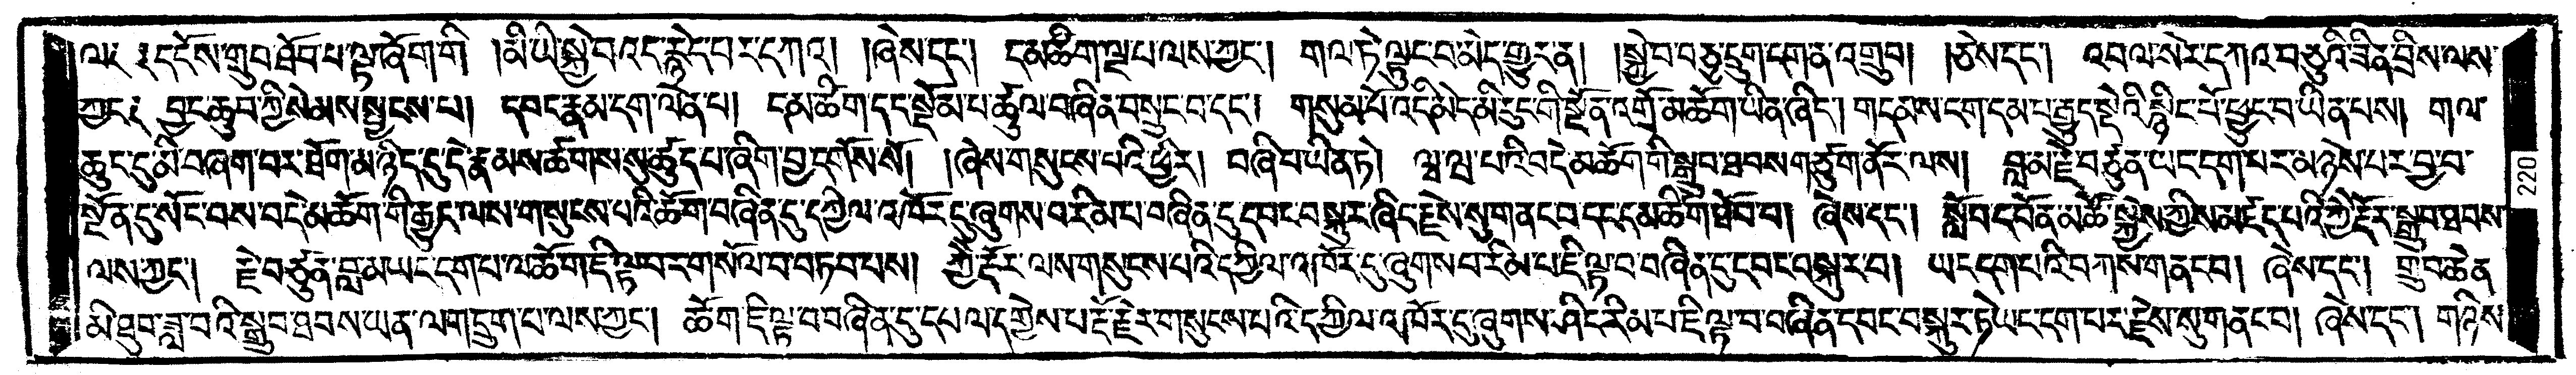ལ༑ ༑དངོས་གྲུབ་ཐོབ་པ་ལྟ་ཞོག་གི །མི་ཡི་སྐྱེ་བའང་རྙེད་པར་དཀའ། །ཞེས་དང་། དམ་ཚིག་ལྔ་པ་ལས་ཀྱང་། གལ་ཏེ་ལྟུང་བ་མེད་གྱུར་ན། །སྐྱེ་བ་བཅུ་དྲུག་དག་ན་འགྲུབ། །ཅེས་དང་། འབལ་སེར་དཀའ་བཅུའི་ཟིན་བྲིས་ལས་
ཀྱང༑ བྱང་ཆུབ་ཀྱི་སེམས་སྤྱངས་པ། དབང་རྣམ་དག་ལེན་པ། དམ་ཚིག་དང་སྡོམ་པ་ཚུལ་བཞིན་བསྲུང་བ་དང་། གསུམ་པོ་འདི་མེད་མི་རུང་གི་སྔོན་འགྲོ་མཆོག་ཡིན་ཞིང་། གདམས་ངག་དམ་པ་རྒྱུད་སྡེའི་སྙིང་པོ་ཕྱུང་བ་ཡིན་པས། གལ་
ཆུང་ངུ་མི་བཞག་པར་ཐོག་མ་ཉིད་དུ་དེ་རྣམས་ཚགས་སུ་ཚུད་པ་ཞིག་བྱ་དགོས་སོ། །ཞེས་གསུངས་པའི་ཕྱིར། བཞི་པ་ཡིན་ཏེ། ཝ?་ཝ་པའི་བདེ་མཆོག་གི་སྒྲུབ་ཐབས་གཙུག་ནོར་ལས། བླ་མ་རྗེ་བཙུན་ཡང་དག་པར་མཉེས་པར་བྱ་བ་
སྔོན་དུ་སོང་བས་བདེ་མཆོག་གི་རྒྱུད་ལས་གསུངས་པའི་ཆོ་ག་བཞིན་དུ་དཀྱིལ་འཁོར་དུ་ཞུགས་པ་རིམ་པ་བཞིན་དུ་དབང་བསྐུར་ཞིང་རྗེས་སུ་གནང་བ་དང་དམ་ཚིག་ཐོབ་བ། ཞེས་དང་། སློབ་དཔོན་མཚོ་སྐྱེས་ཀྱིས་མཛད་པའི་ཀྱཻ་རྡོར་སྒྲུབ་ཐབས་
ལས་ཀྱང་། རྗེ་བཙུན་བླ་མ་ཡང་དག་པ་ལ་ཆོ་ག་ཇི་ལྟ་པར་གསོལ་བ་བཏབ་པས། ཀྱཻ་རྡོར་ལས་གསུངས་པའི་དཀྱིལ་འཁོར་དུ་ཞུགས་པ་རིམ་པ་ཇི་ལྟ་བ་བཞིན་དུ་དབང་བསྐུར་བ། ཡང་དག་པའི་བཀས་གནང་བ། ཞེས་དང་། གྲུབ་ཆེན་
མི་ཐུབ་ཟླ་བའི་སྒྲུབ་ཐབས་ཡན་ལག་དྲུག་པ་ལས་ཀྱང་། ཆོ་ག་ཇི་ལྟ་བ་བཞིན་དུ་དཔལ་དགྱེས་པ་རྡོ་རྗེར་གསུངས་པའི་དཀྱིལ་འཁོར་དུ་ཞུགས་ཤིང་རིམ་པ་ཇི་ལྟ་བ་བཞིན་དབང་བསྐུར་ཏེ་ཡང་དག་པར་རྗེས་སུ་གནང་བ། ཞེས་དང་། གཉིས་